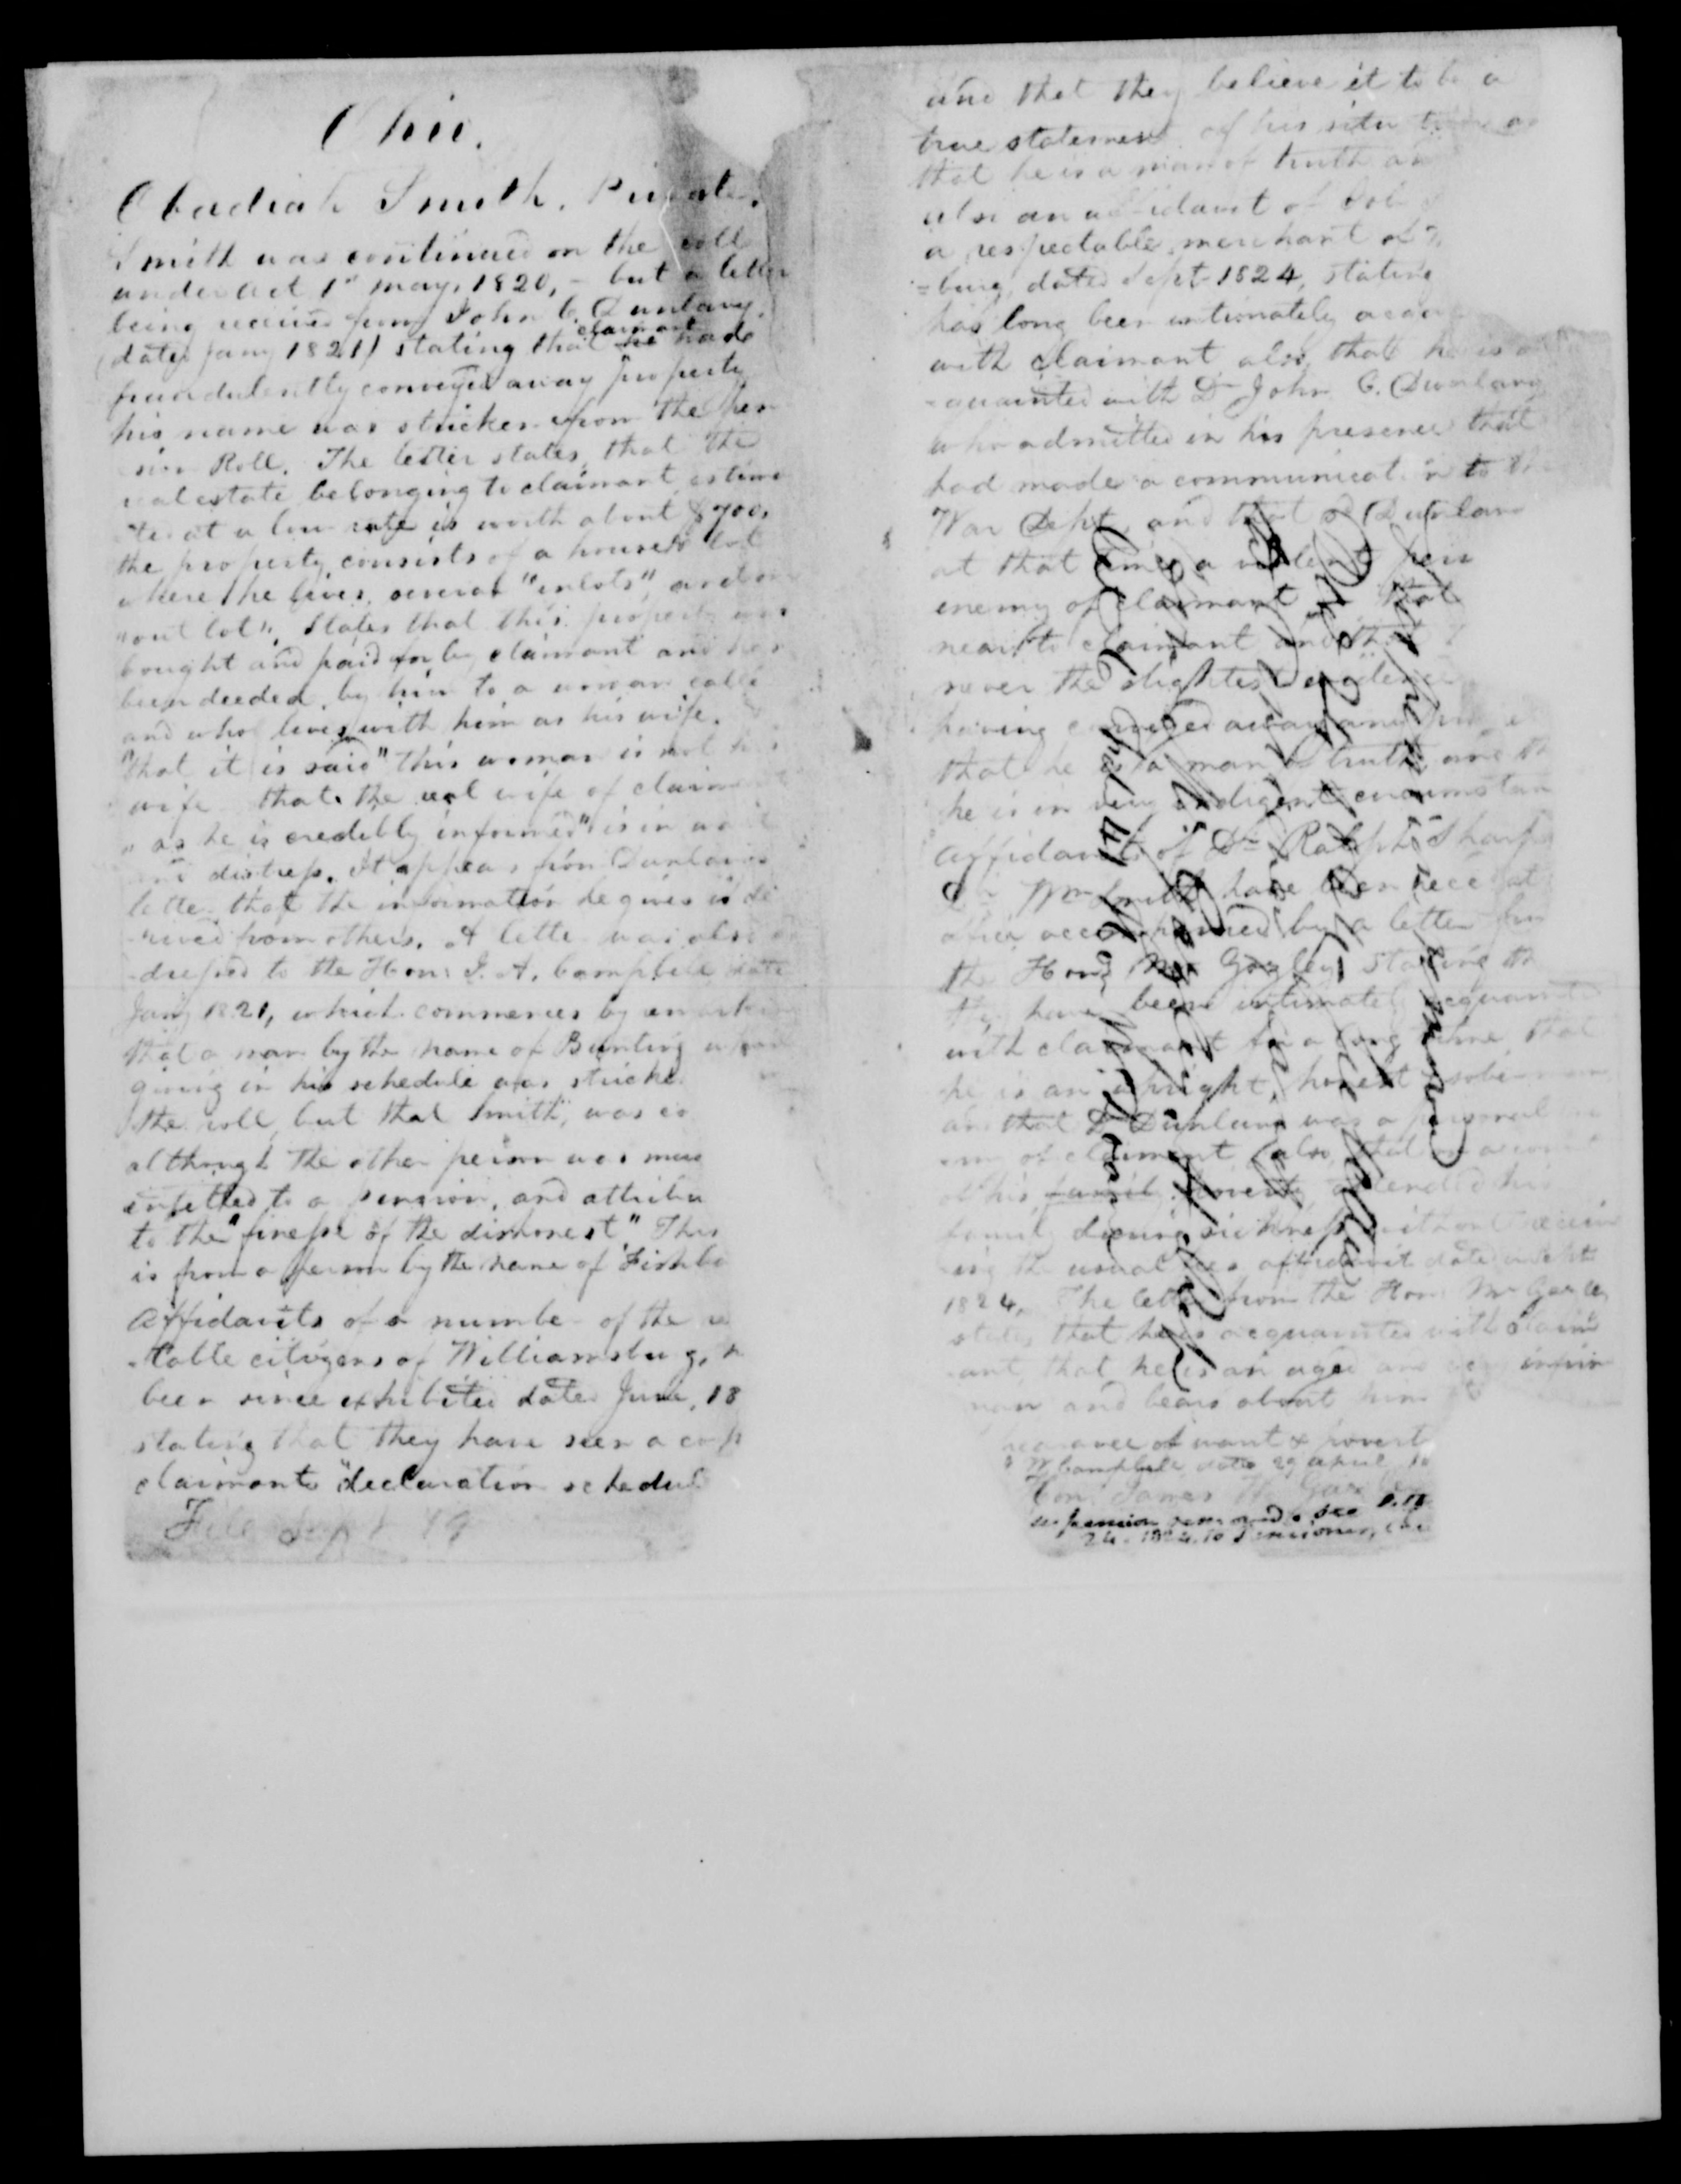[left side of page:] 
Ohio. 
Obadiah Smith. Private, Smith was continued on the roll under Act 1st May, 1820, but in letter being received from John C. Dunlavy dated Jany 1821 stating that claimant ["he" is crossed out] had fraudulently conveyed away property his name was stricken from the Pension Roll. The letter states that the real estate belonging to claimant estimated at a long rate is worth about $700. the property consists of a household where he lives, several "inlets", and an "out lot", States that this property was bought and paid for by claimant and has been deeded by him to a woman called [??] and who living with him as his wife. That it is said "this woman is not his wife that the real wife of claimant "as  he is credibly informed" is in no [illegible] distress. It appears from Dunlavy's letter that the information he gives is derived from other's. A letter ___ 
addressed to the Hon. J. A. Campbell dated Jany 1821, which commences by an [illegible] that a man by the name of Bunting [??] upon giving in his schedule and [the right side of the rest of the text on this side of the page is missing] stricke__ In the roll but that Smith, was ___ although the other person was men ___ into this to a pension and attached ___ to the "fine for of the dishonest." Thro ___ is from a person by the name of "Fishba__ Affidavits of a number of the ___ table citizens of Williamsbur, ___ been since exhibited dates June, 18 ___ stating that they have seen a ___ claimant "declaration or he de___ File Sept 19 
[right side:] 
and that they believe it to be a true statement of his situation or [the right end of the next five lines is missing due to a tear]  that he is a man of truth as ___ also an affidavit of Col ___ a respectable merchant of ___ being dated Sept. 1824, stating ___ has long been intimately acquain___ with claimant also that he is acquainted with Dr John G. Dunlavy who admitted in his presence that had made a communication to [the right end of the next twelve lines is missing due to a tear] War Dept. and that sd. [illegible] at that time a resident here ___ enemy of claimant & that ___ near to claimant and that ___ never the slightest evidence ___having evidence [illegi le] ___ that he is a man of truth and ___ person very indigent circumstan___affidavit of Dr Ralph L Sharp__ & Wm Smith have then [illegilbe] -- other accompanied by a letter fro___ the Honl. [illegible Gazley stating th___ they have been intimately acquainted with claimant for a long time that he is an upright, honest [illegible] and that D Dunlavy was a personal [illegible] of claimant (also that on a [illegible] of his ["family" is crossed out] parents [??] attended his family during such time [??] without receiving the usual fee. affidavit date [illegible] 1826. The letter from the Hon Mr Gazley states that he is acquainted with claimant that he is an aged and very infirm [the left and right ends of the rest of this text is missing due to torn page:] ___ man and hears about him ___ ___pearance of want & poverty ___  ___ W Campbell  dated 29 April __   ___ Hon James W Gazley ___  ___ on pension rolls aprd to sec N Y [??] ___ 1824 to Pensions, the ___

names: H Ross; Ralph Sharp; [BLANK] Gazley; [BLANK] Fishbe; [BLANK] Dunlavy; [BLANK] Smith; James W Gazley; John C Dunlavy; J W Campbell; Obadiah Smith; [BLANK] Gazley; John C Dunlavy; J A Campbell; John C Dunlavy; Wm Smith; [BLANK] Smith; [BLANK] Gazley; [BLANK] Dunlavy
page: 17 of 66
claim: survivor's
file: S 40458, for Obadiah Smith, New York